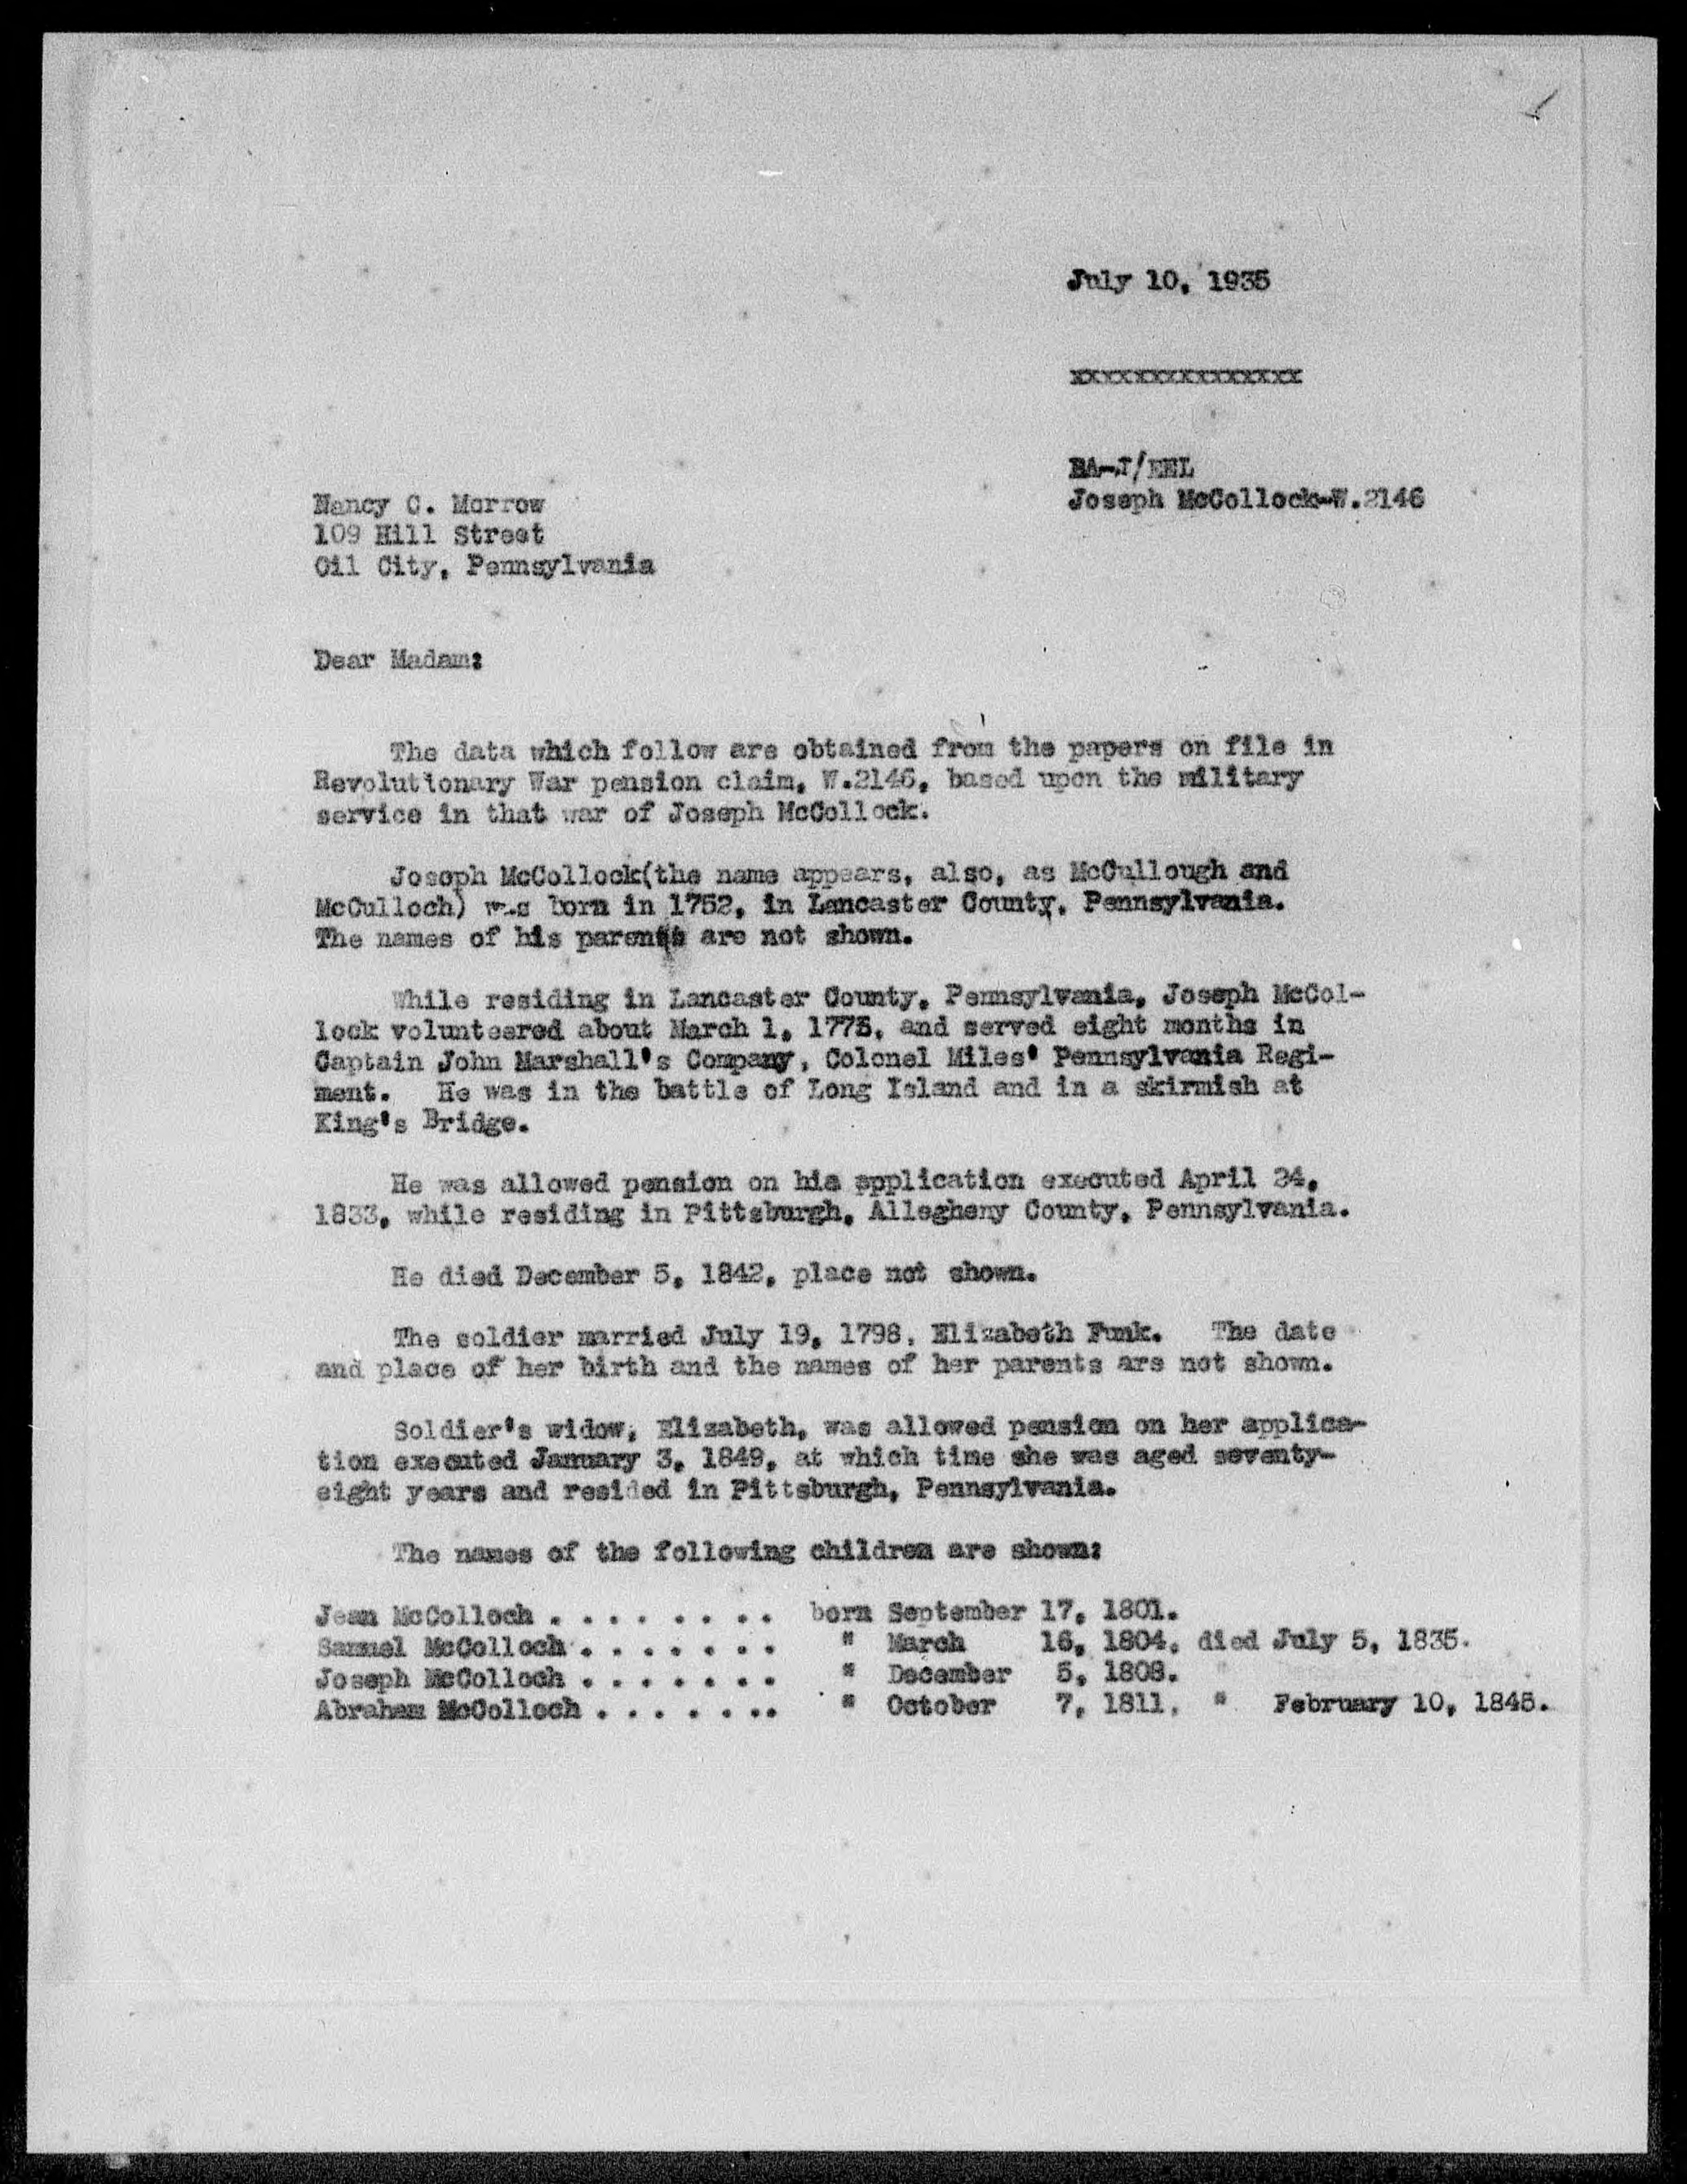July 10, 1935

xxxxxxxxxxxxxxx

BA-J/EEL
Joseph McCollock-W.2146

Nancy C. Morrow
109 Hill Street
Oil City, Pennsylvania

Dear Madam:

The data which follow are obtained from the papers on file in Revolutionary War pension claim, W.2146, based upon the military service in that war of Joseph McCollock.

Joseph McCollock (the name appears, also, as McCullough and McCulloch) was born in 1752, in Lancaster County, Pennsylvania. The names of his parents are not shown.

While residing in Lancaster County, Pennsylvania, Joseph McCollock volunteered about March 1, 1775, and served eight months in Captain John Marshall's Company, Colonel Miles' Pennsylvania Regiment. He was in the battle of Long Island and in a skirmish at King's Bridge.

He was allowed pension on his application executed April 24, 1833, while residing in Pittsburgh, Allegheny County, Pennsylvania.

He died December 5, 1842, place not shown.

The soldier married July 19, 1798, Elizabeth Funk. The date and place of her birth and the names of her parents are not shown.

Soldier's widow, Elizabeth, was allowed pension on her application executed January 3, 1849, at which time she was aged seventy-eight years and resided in Pittsburgh, Pennsylvania.

The names of the following children are shown:

Jean McColloch . . . . . . . . born September 17, 1801.
Samuel McColloch . . . . . . . " March 16, 1804, died July 5, 1835.
Joseph McColloch . . . . . . . " December 5, 1808. "
Abraham McColloch . . . . . . . " October 7, 1811, " February 10, 1845.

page: 16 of 30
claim: widow's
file: W. 2146, for Joseph Mc Collock, Pennsylvania